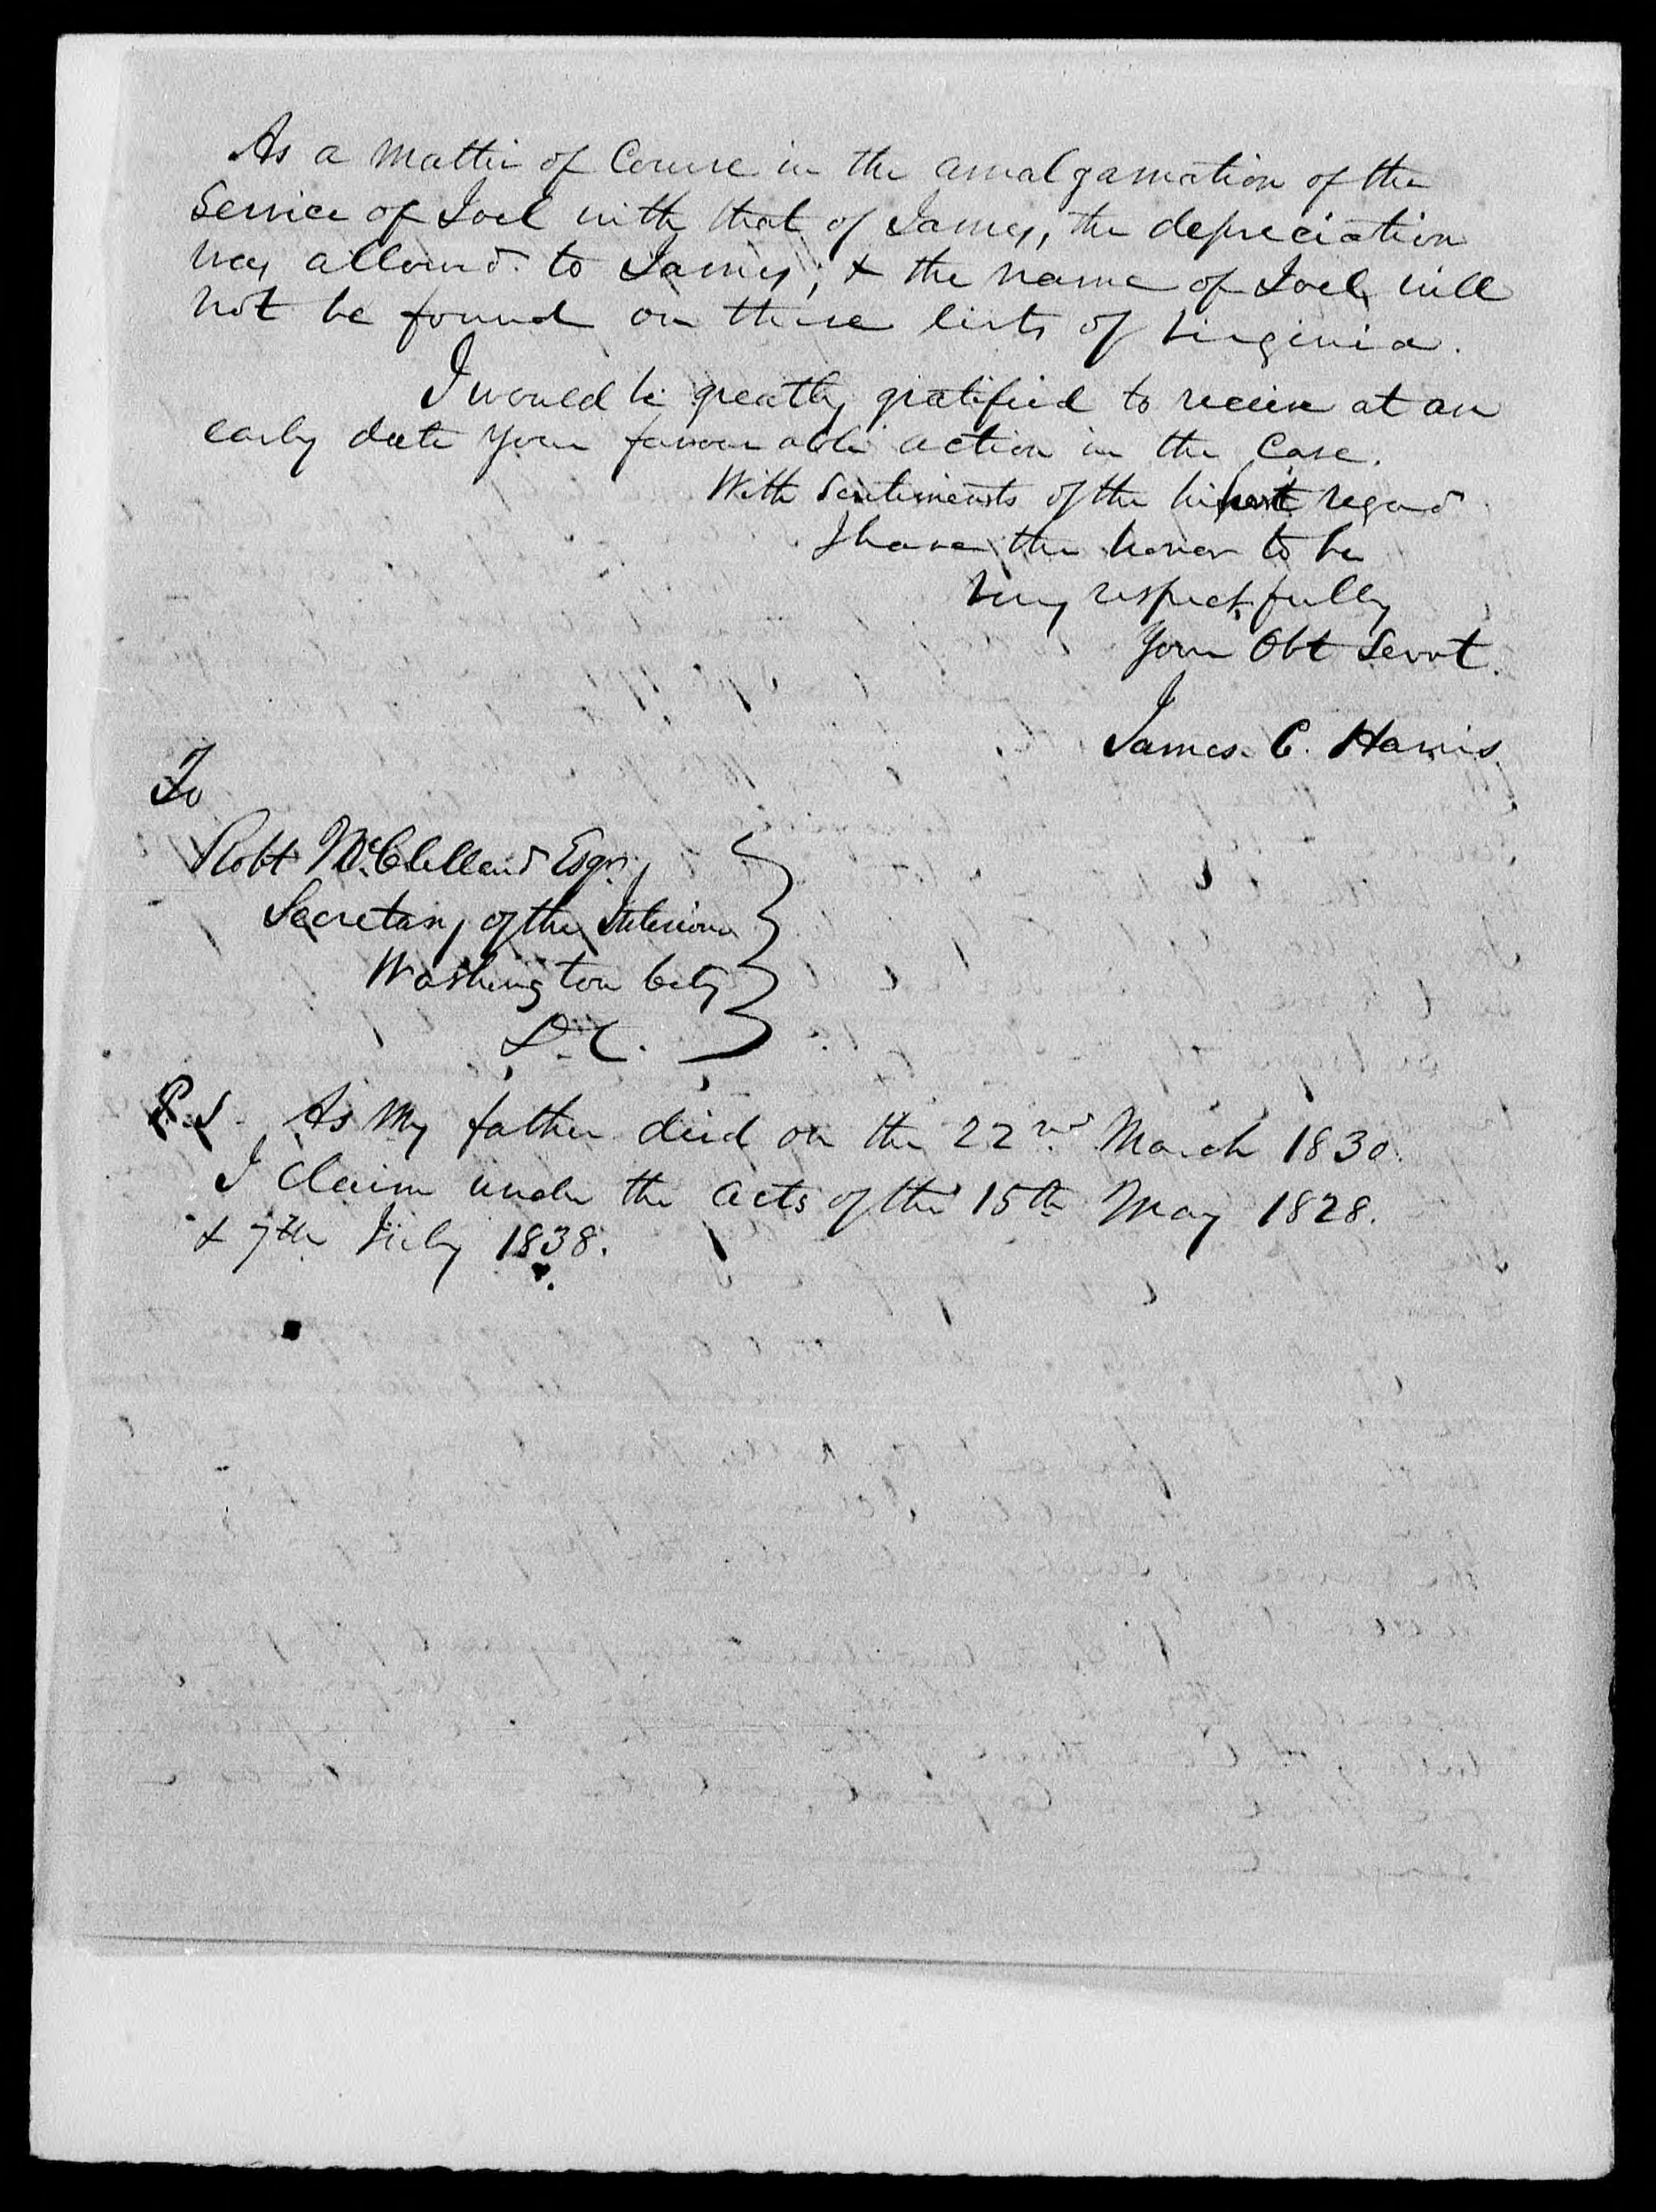As a matter of course in the amalgamation of the Service of Joel with that of James, the depreciation was allowed to James, & the name of Joel will not be found on these lists of Virginia.
   I would be greatly gratified to receive at an early date your fabourable action in the case.
     With Sentiments of the highest regard,
        I have the honor to be
           Very respectfully
               Your Obt Servt.
                      James C. Harris

To
Robt McClelland Esqr.       }
   Secretary of the Interior }
       Washington City        }
           D.C.                        }

P.S.  As my father died on the 22nd March 1830, I claim under the Acts of the 15th May 1828 &4th July 1838.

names: Robt Mc Clelland, James, James, Joel, James C Harris, Joel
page: 36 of 160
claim: rejected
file: R. 4666, James Harris, Va.